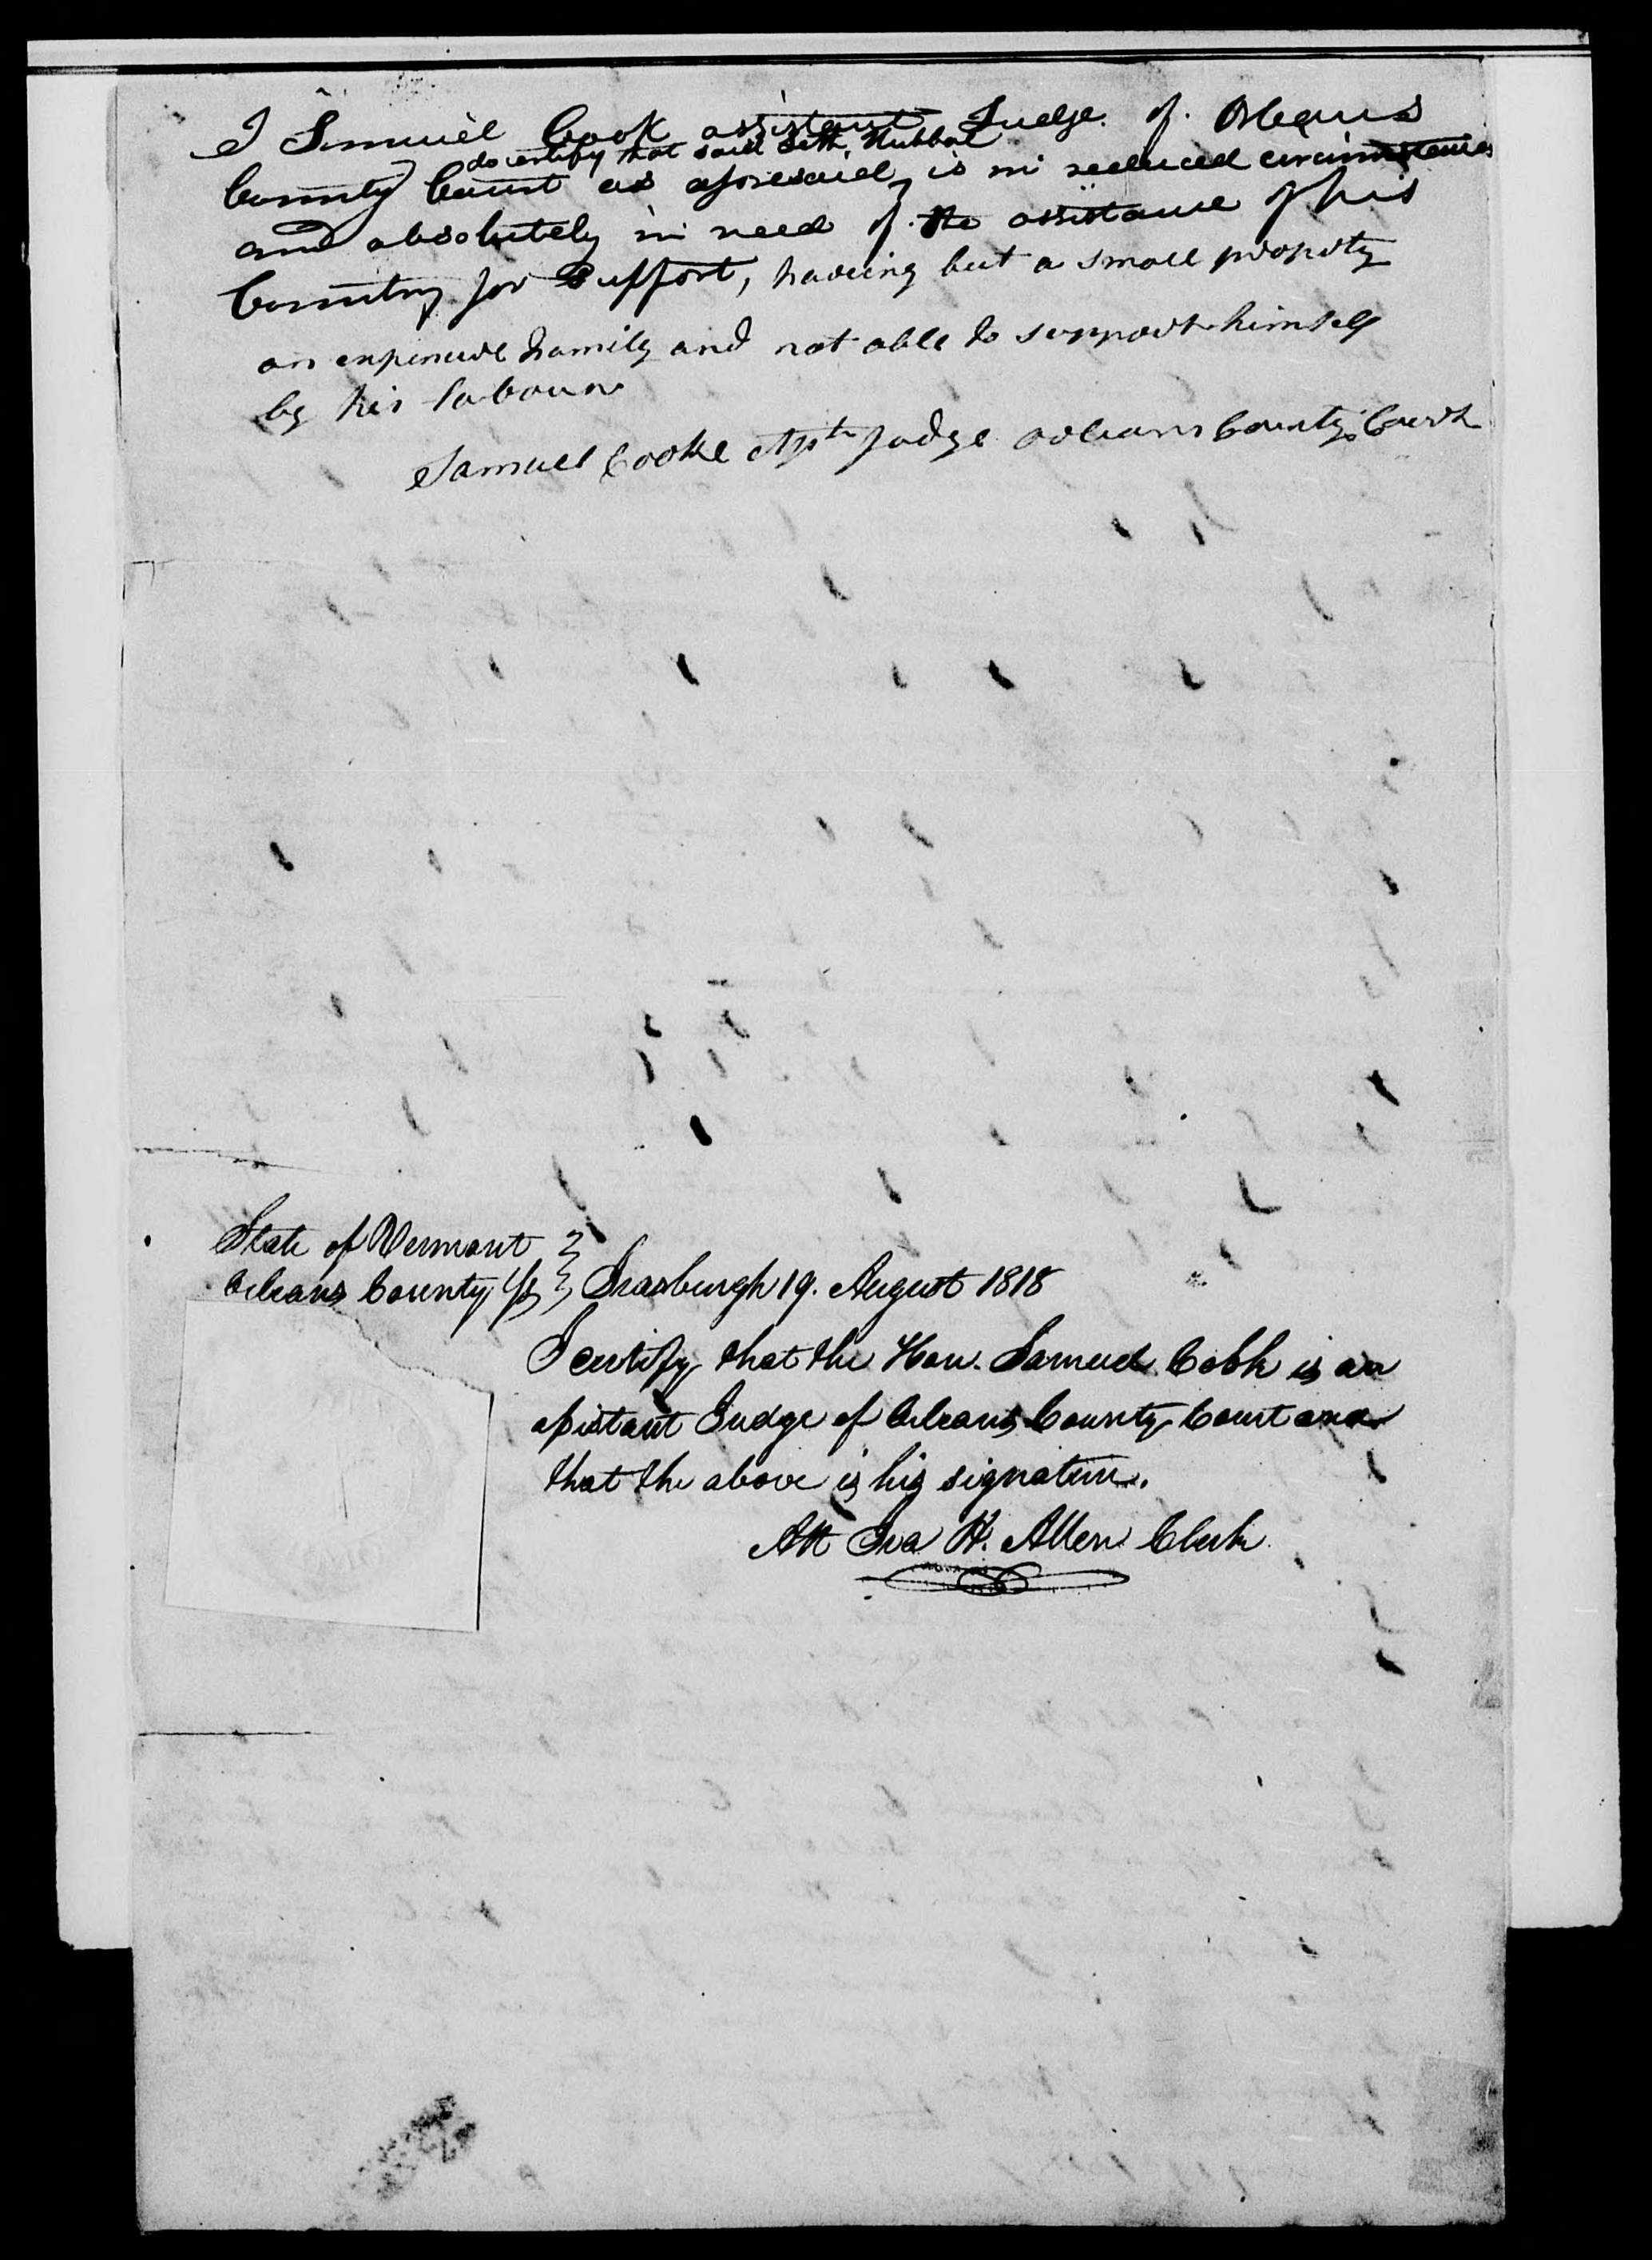[Handwritten document]
I Samuel Cook assistant Judge of Orleans County Court as aforesaid [do certify that said Seth Hubbell -- this phrase added between lines] is in reduced circumstances and absolutely in need of the assistance of this Country for support, having but a small property an [unclear] family and not able to support himself by his labours

              Samuel Cooke Asst Judge Orleans County Court

State of Vermont
Orleans County    [These two lines set to the left of the sheet with a secondary small square of paper affixed below as a seal]

Irasburgh 19. August 1818
I certify that the Hon. Samuel Cook is an asistant  Judge of Orleans County Court and that the above is his signature.
             [illegible] Ira H. Allen Clerk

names: Samuel Cook, Samuel Cooke, Seth Hubbel, Ira H Allen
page: 11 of 114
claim: widow's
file: W. 2115, Seth Hubbell, Conn.